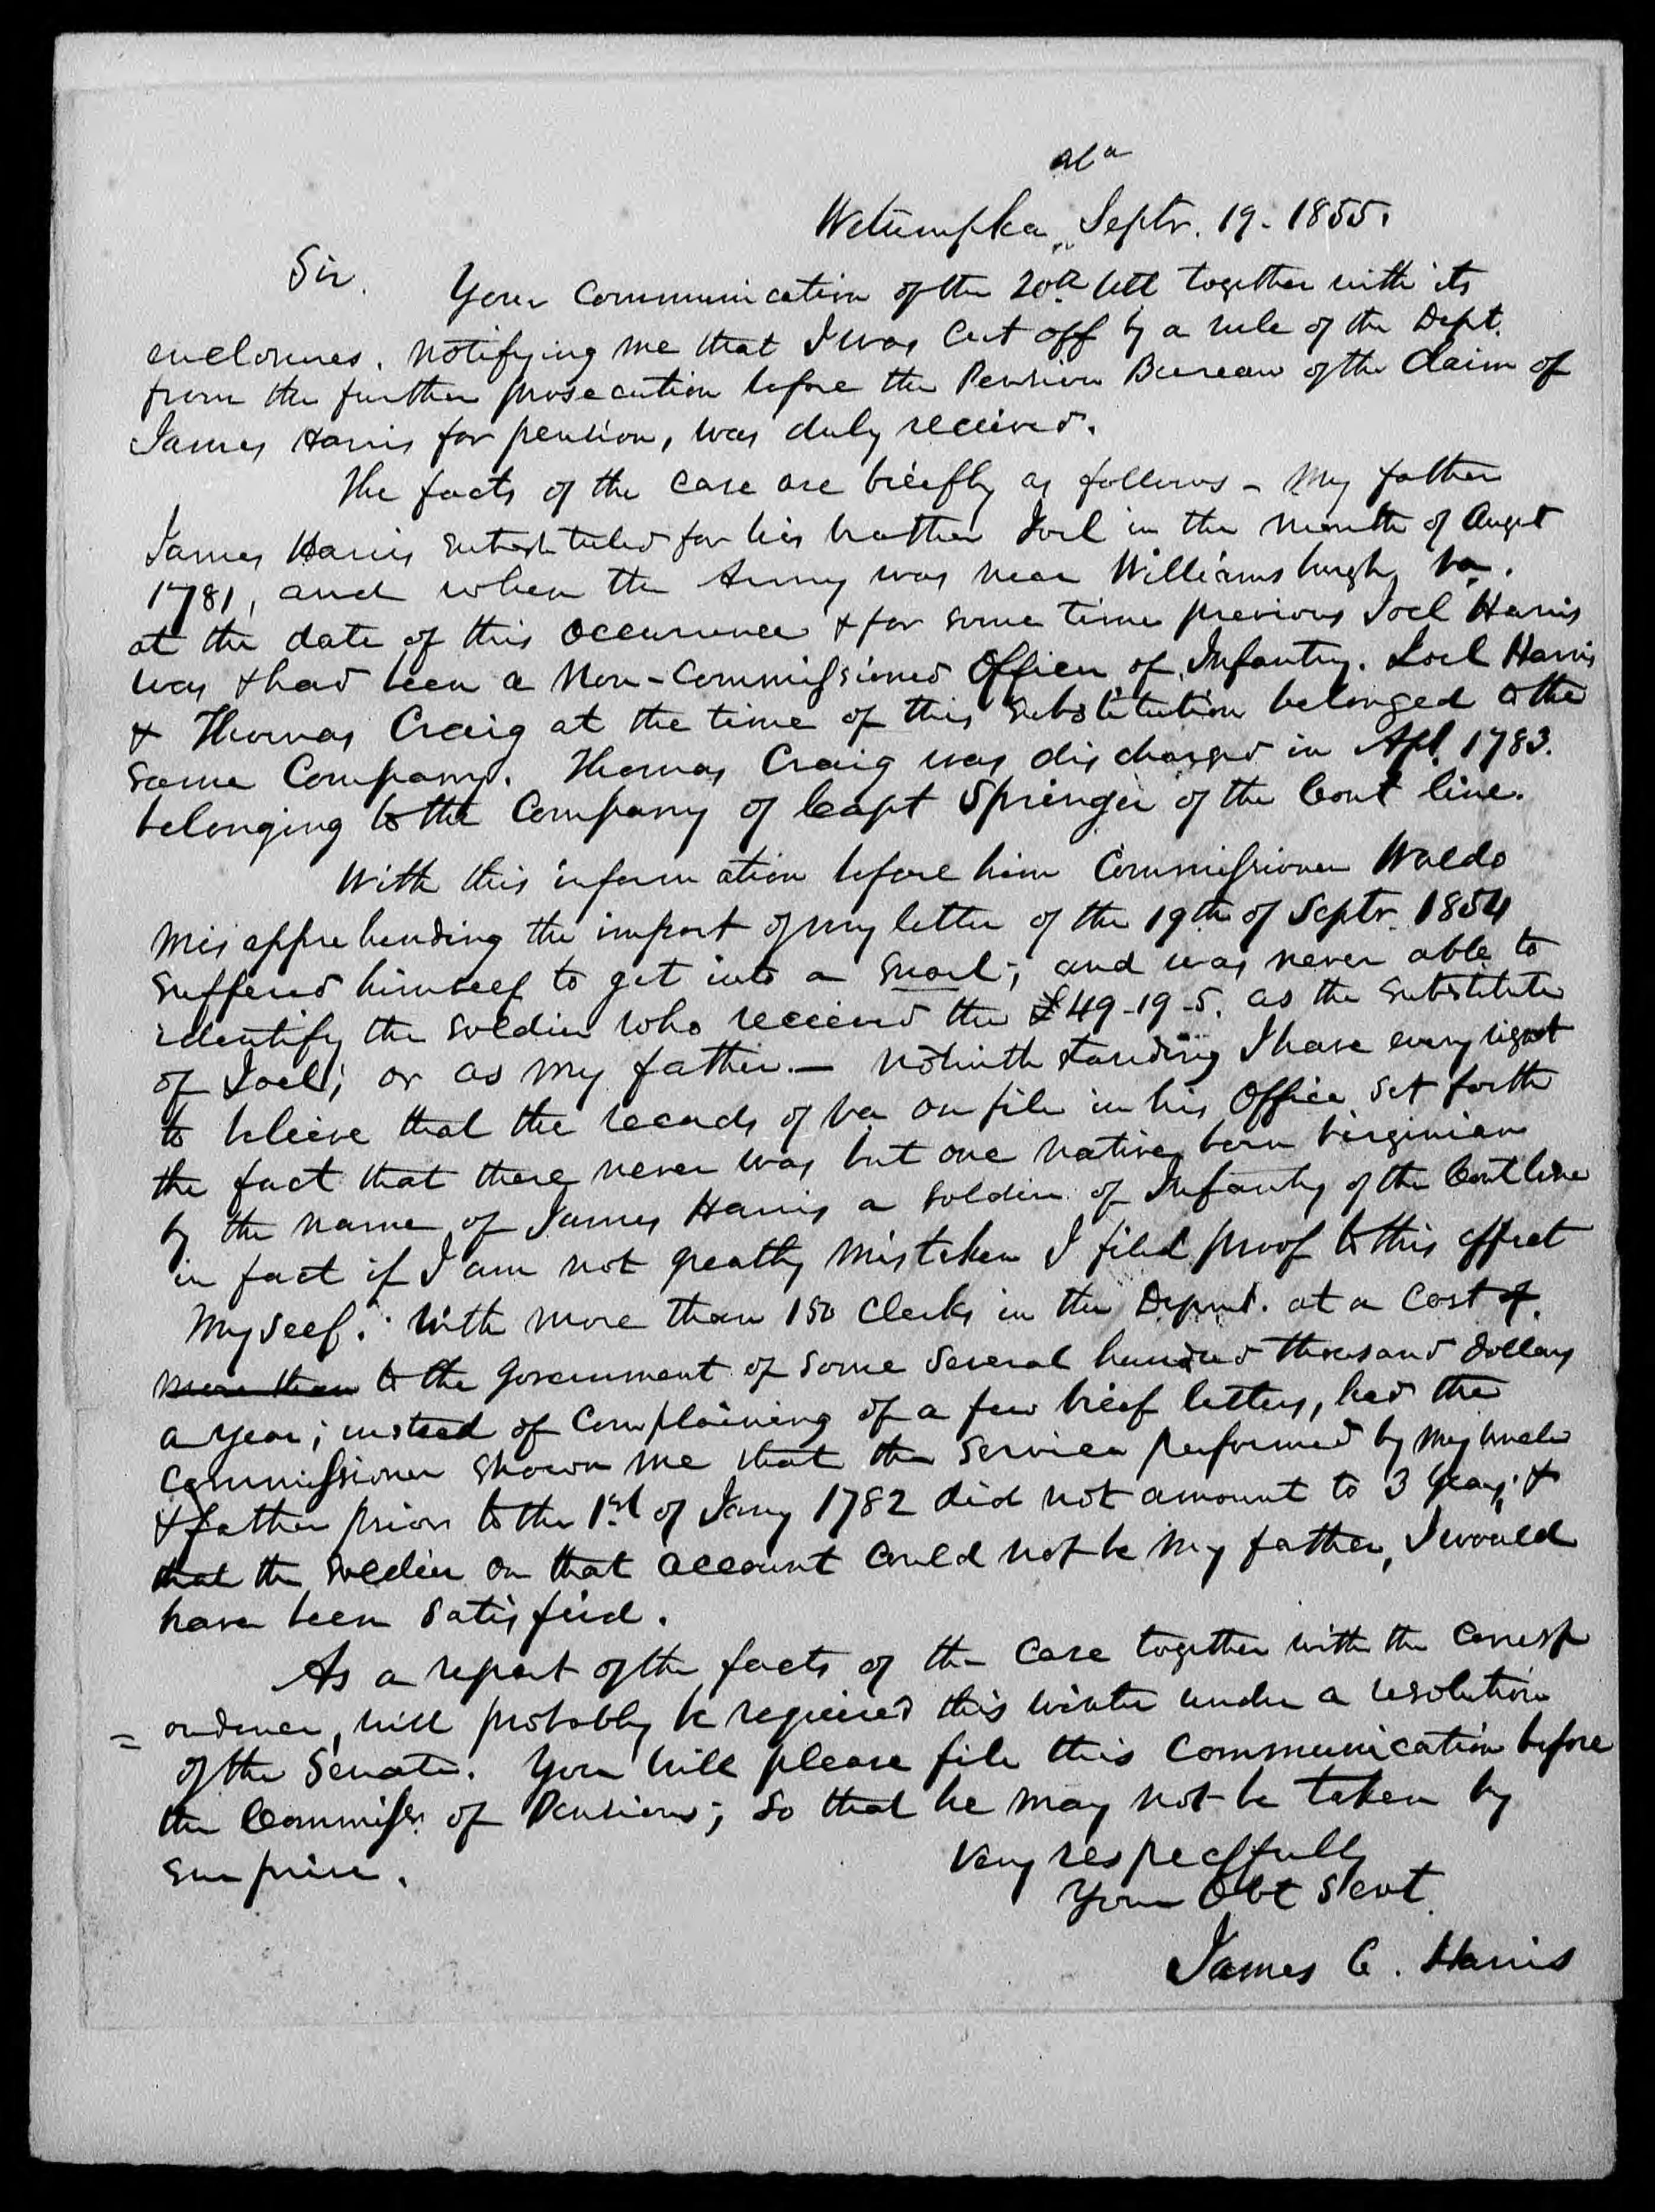Wetumpka Ala Septr 19 1855

Sir
Your communication of the 20th ult together with its [?], notifying me that I was cut off by a rule of the Dept. from the further prosecution before the Pension Bureau of the claim of James Harris for pension, was duly received.
The facts of the case are briefly as follows--my father James Harris substituted for his brother Joel in the month of Augt 1781, and when the Army was near Williamsburgh [sic] Va. at the date of this occurrence & for some time previous Joel Harris was  & had been a non-commissioned officer of Infantry.  Joel Harris & Thomas Craig at the time of this substitution belonged [t]o the same Company.  Thomas Craig was discharged in Apl 1783 belonging to the Company of Capt Springer of the Cont line.
With this information before him Commissioner Waldo misapprehending the import of my letter of the 19th of Septr 1854 suffered himself to get into a snarl, and was never able to identify the soldier who received the [pound sterling] 49.19.5 as the substitute of Joel, or as my father.--Notwithstanding, I have every right to believe that the records of Va on file in his Office set forth the fact that there never was but one native born Virginian by the name of James Harris a soldier of Infantry of the Cont line in fact if I am not greatly mistaken I filed proof to this effect myself.  With more than 150 clerks in the Deprt at a cost [marked through:  of more than] to the government of some several hundred thousand dollars a year, instead of complaining of a few brief letters, had the commissioner shown me that the services performed by my uncle & father prior to the 1st of Jany 1782 did not amount to 3 years & that the soldier on that account could not be my father, I would have been satisfied.
As a report of the facts of the case together with the [?] will probably be required this winter under a resolution of the Senate, you will please file this communication before the Commisr of Pensions, so that he may not be taken by surprise.
Very respectfully
Your Obt Sevt
James C. Harris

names: James Harris, Springer, Thomas Craig, Joel, Waldo, James C Harris, Joel, Joel Harris, Thomas Craig, James Harris, Joel Harris, James Harris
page: 66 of 160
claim: rejected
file: R. 4666, James Harris, Va.